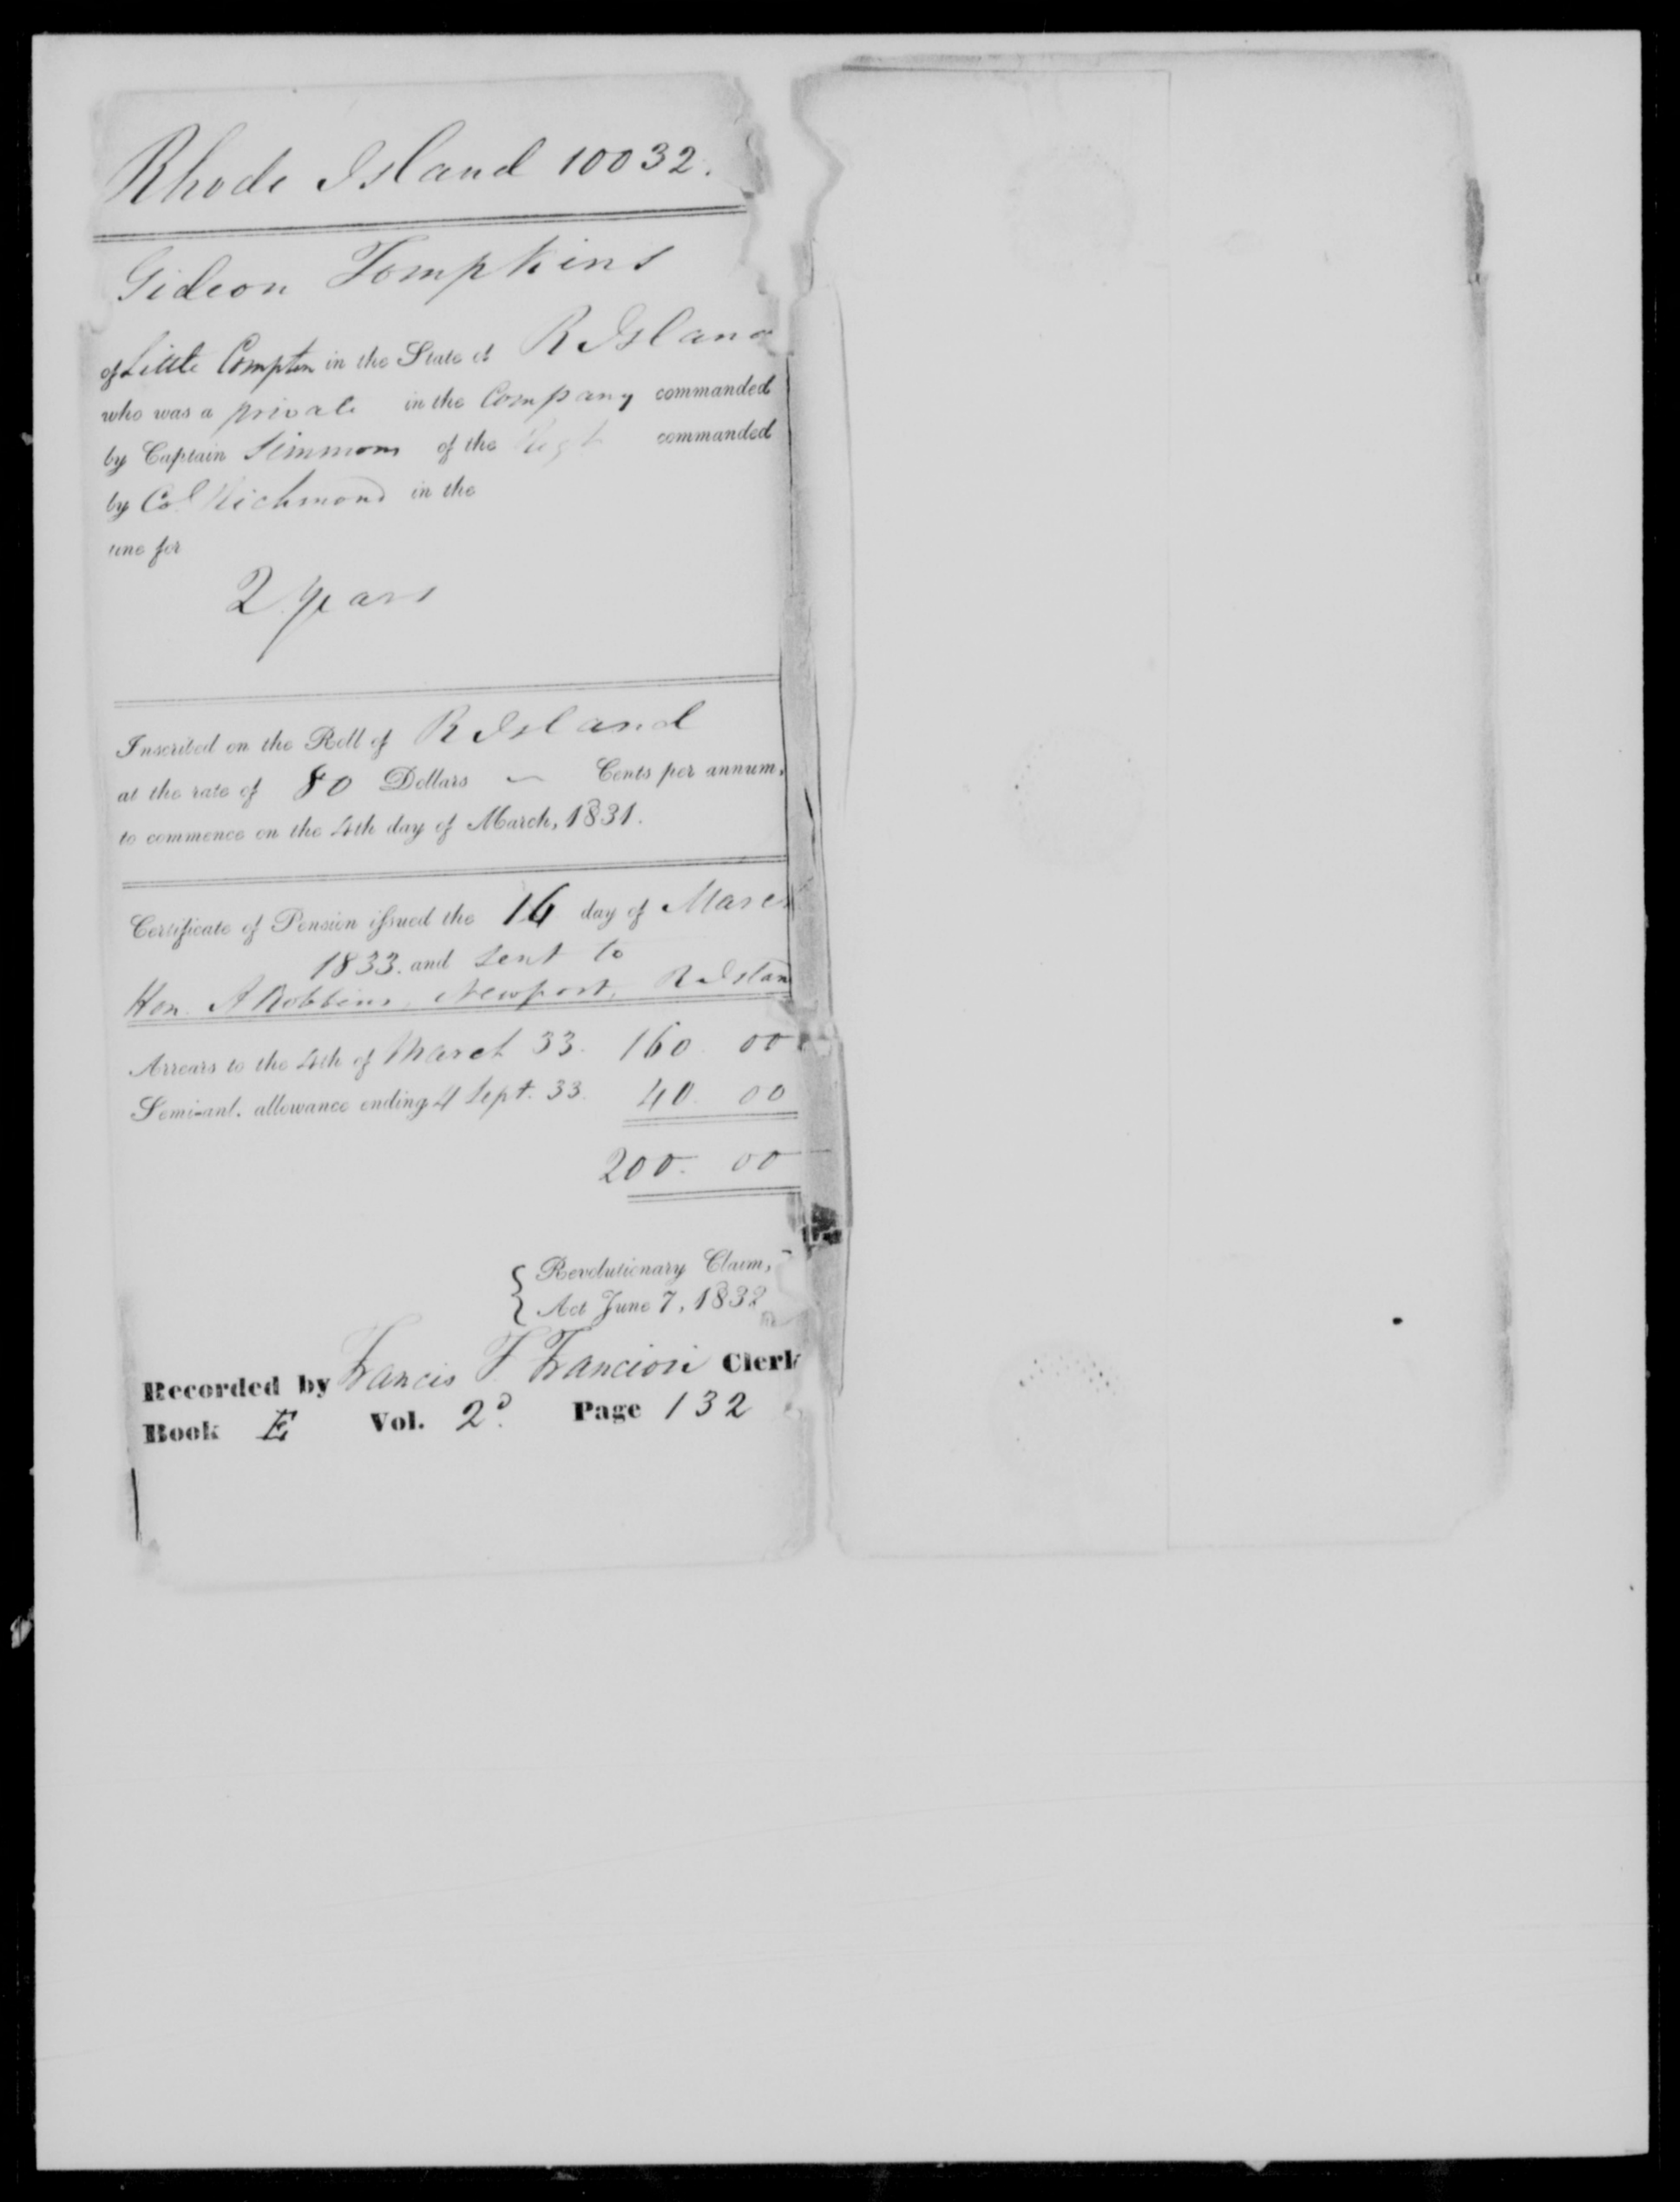Rhode Island 10032
Gideon, Tompkins
of Little Compton in the State of R Island
who was a private in the Company commanded
by Captain Simmons of the [unitelligble] commanded
by Col Richmond in the 
[unitelligible] for
2 years

Inscribed on the Roll of Belsland
at the rate of 80 Dollars - Cents per annum,
to commence on the 4th day of March 1834.

Cerftificate of Pension issued the 16 day of March
1833 and sent to
Hon. A Robbins, Newport, Ralstan

Arrears to the 4th of March 33 160.00
Semi-anl, allowance ending 4 Sept. 33 40.00
200.00
{Revolutionary Claim, [unitelligible] June 7, 1832}
Recorded by Francis F. Fanciosi Clerk
Book E   Vol. 20   Page 132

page: 2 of 25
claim: survivor's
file: S. 22,023, for Gideon Tompkins, Rhode Island